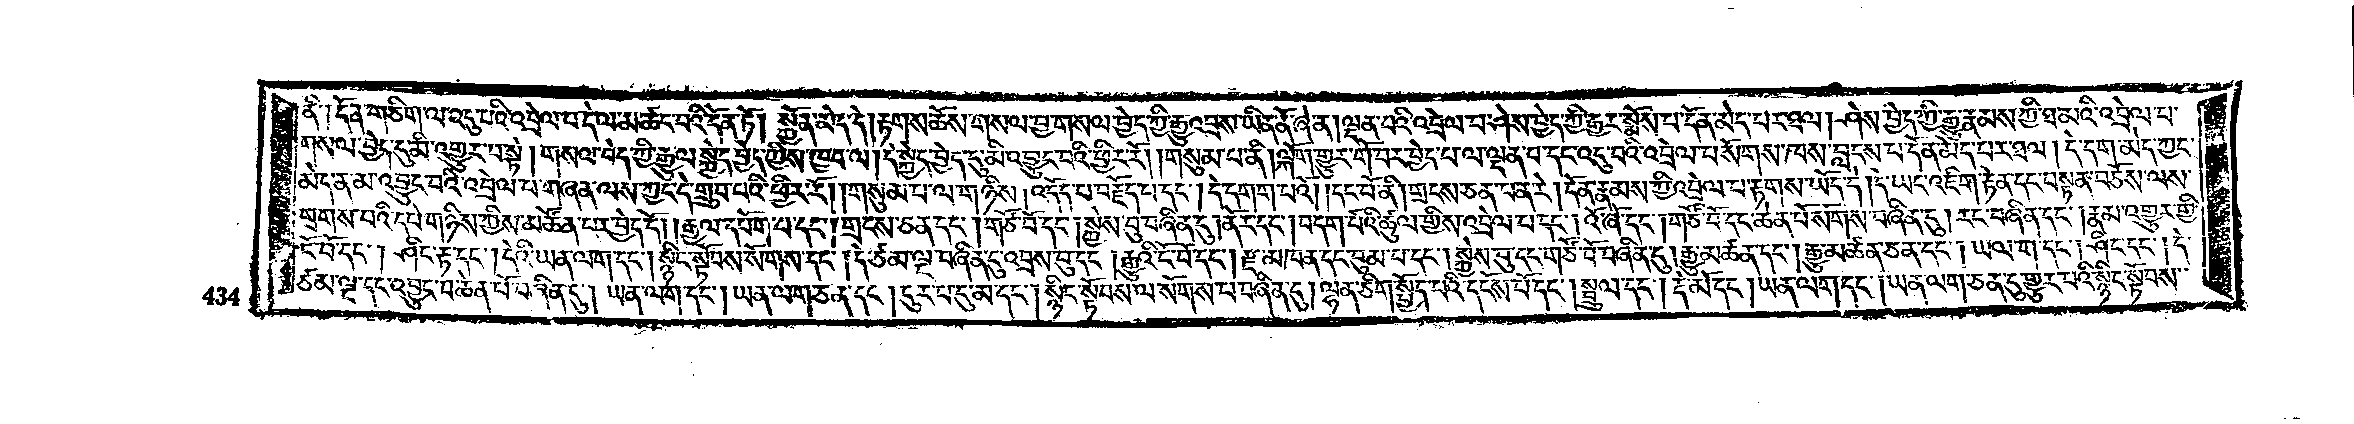ནི། དོན་གཅིག་ལ་འདུ་བའི་འབྲེལ་བ་དེ་ལ་མ་ཚང་བའི་དོན་ཏོ། །སྐྱོན་མེད་དེ། རྟགས་ཆོས་གསལ་བྱ་གསལ་བྱེད་ཀྱི་རྒྱུ་འབྲས་ཡིན་ནོ་ཞེ་ན། ལྡན་པའི་འབྲེལ་བ་ཤེས་བྱེད་ཀྱི་རྒྱར་སྨོས་པ་དོན་མེད་པར་ཐལ། ཤེས་བྱེད་ཀྱི་རྒྱུ་རྣམས་ཀྱི་ཐ་མའི་འབྲེལ་པ་
གསལ་བྱེད་དུ་མི་འགྱུར་པ་སྟེ། གསལ་བདེ་ཀྱི་རྒྱུ་ལ་སྐྱེད་བྱེད་ཀྱིས་ཁྱབ་ལ། དེ་སྐེད་བྱེད་དུ་མི་འབྱུང་བའི་ཕྱིར་རོ། །གསུམ་པ་ནི། ལྐོག་གྱུར་གོ་བར་བྱེད་པ་ལ་ལྡན་པ་དང་འདུ་བའི་འབྲེལ་པ་སོགས་ཁས་བླངས་པ་དོན་མེད་པར་ཐལ། དེ་དག་མེད་ཀྱང་
མེད་ན་མ་འབྱུང་བའི་འབྲེལ་པ་གཞན་ལས་ཀྱང་དེ་གྲུབ་པའི་ཕྱིར་རོ། །གསུམ་པ་ལ་གཉིས། འདོད་པ་བརྗོད་པ་དང་། དེ་དགག་པའོ། །དང་པོ་ནི། གྲངས་ཅན་པ་ན་རེ། དོན་རྣམས་ཀྱི་འབྲེལ་པ་རྟགས་ཡོད་དེ། དེ་ཡང་འཇིག་རྟེན་དང་བསྟན་བཅོས་ལས་
གྲགས་པའི་དཔེ་གཉིས་ཀྱིས་མཚོན་པར་བྱེད་དོ། །རྒྱལ་དཔོགས་པ་དང་། གྲངས་ཅན་དང་། གཙོ་བོ་དང་། སྐྱེས་བུ་བཞིན་དུ། ནོར་དང་། བདག་པོའི་ཚུལ་གྱིས་འབྲེལ་པ་དང་། འོ་ཞོ་དང་། གཙོ་བོ་དང་ཆེན་པོ་སོགས་བཞིན་དུ། རང་བཞིན་དང་། རྣམ་འགྱུར་གྱི་
ངོ་བོ་དང་། ཤིང་རྟ་དང་། དེའི་ཡན་ལག་དང་། སྙིང་སྟོབས་སོགས་དང་། དེ་ཙམ་ལྔ་བཞིན་དུ་འབྲས་བུ་དང་། རྒྱུའི་ངོ་བོ་དང་། རྫ་མཁན་དང་བུམ་པ་དང་། སྐྱེས་བུ་གཙོ་བོ་བཞིན་དུ། རྒྱུ་མཚན་དང་། རྒྱུ་མཚན་ཅན་དང་། ཡལ་ག་དང་། ཤིང་དང་། དེ་
ཙམ་ལྔ་དང་འབྱུང་བ་ཆེན་པོ་བཞིན་དུ། ཡན་ལག་དང་། ཡན་ལག་ཅན་དང་དུར་པ་དུ་མ་དང་། སྙིང་སྟོབས་ལ་སོགས་པ་བཞིན་དུ། ལྷན་ཅིག་སྤྱོད་པའི་དངོས་པོ་དང་། སྤྲུལ་དང་། རྡེ་མོ་དང་། ཡན་ལག་དང་། ཡན་ལག་ཅན་དུ་གྱུར་པའི་སྙིང་སྟོབས་